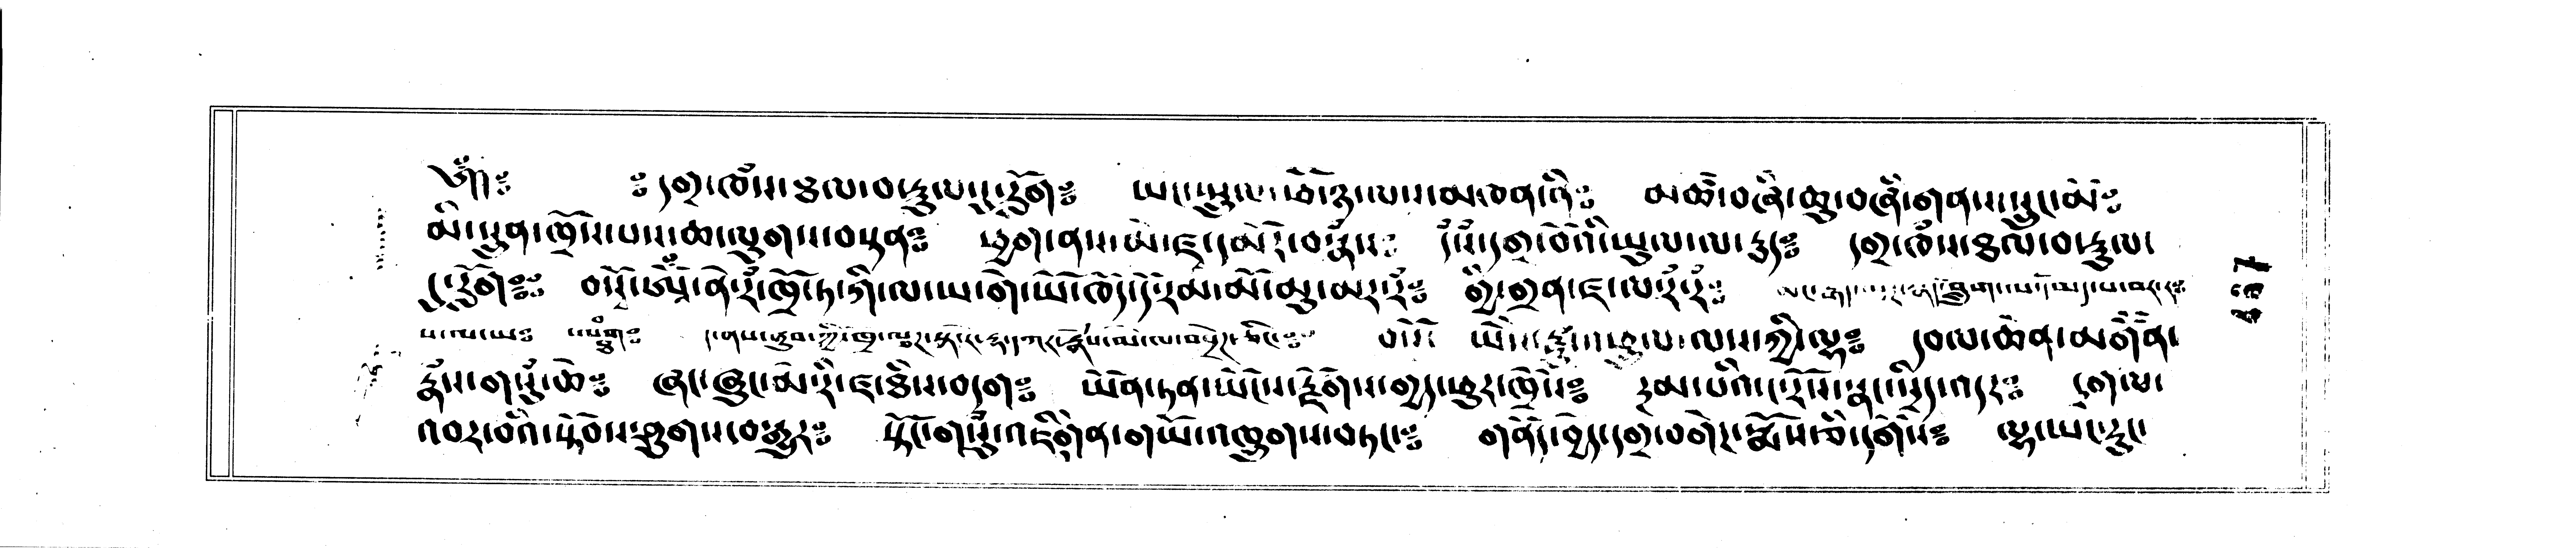དགྲ་ཁམས་ཐལ་བ་རྡུལ་དུ་རློག༔ ཡང་སྤྲུལ་ཕོ་ཉ་ལས་མཁན་ནི༔ མཚོ་བཞི་ཆུ་བཞི་གནས་སྲུང་མོ༔ 
མི་སྲུན་ཁྲོས་པས་ཆ་ལུགས་བསྟན༔ཕྱག་ནས་མེ་ཛྭ་དམར་པོ་བསྣམས༔དམ་ཉམས་དགྲ་བོའི་ཡུལ་ལ་རྦད༔དགྲ་ཁམས་ཐལ་བ་རྡུལ་
དུ་རློག༔བསྭོ་ཨཱོཾ་ནེ་རཾ་ཁྲོ་ཏ་ཀི་ལ་ཡ་གེ་ཡོ་ཁོད་དོ་རམ་མོ་མུ་མར་རཾ༔གྱི་གྲན་ཛ་ལ་རཾ་རཾ༔ ཆང་རྒོད་ལྕགས་སྣོད་བླུག་ལ་དམོད་པ་བོར་རོ༔
ས་མ་ཡ༔ཨགྠཾ༔ དེ་ནས་ནུབ་ཀྱི་ཁྲོ་ལྕགས་སྟ་རེ་རྡོ་དཀར་རྣམས་མེ་ལ་བསྲེགས་ཅིང༔བསྭོ༔ཡེ་ཤེས་རྫུ་འཕྲུལ་ལས་ཀྱི་ལྷ༔དབལ་ཆེན་མགོན་པོ་
རྣམས་གསུམ་ཆེ༔ཞང་ཞུང་མེ་རི་ཛྭ་ཐིས་བདག༔ཡོན་ཏན་ཡོངས་རྫོགས་གྱད་ཕུར་ཁྲོས༔རྔམ་པའི་ང་རོས་སྣང་སྲིད་འདར༔དྲག་རྩལ་
འབར་བའི་སྟོབས་ཤུགས་བསྒྱུར༔སྟོང་གསུམ་འཇིག་རྟེན་གཡོ་འཁྲུག་བཏང་༔གནོད་བྱེད་དགྲ་བགེགས་སྨོས་ཅི་དགོས༔ལྷ་ཡང་རུང་